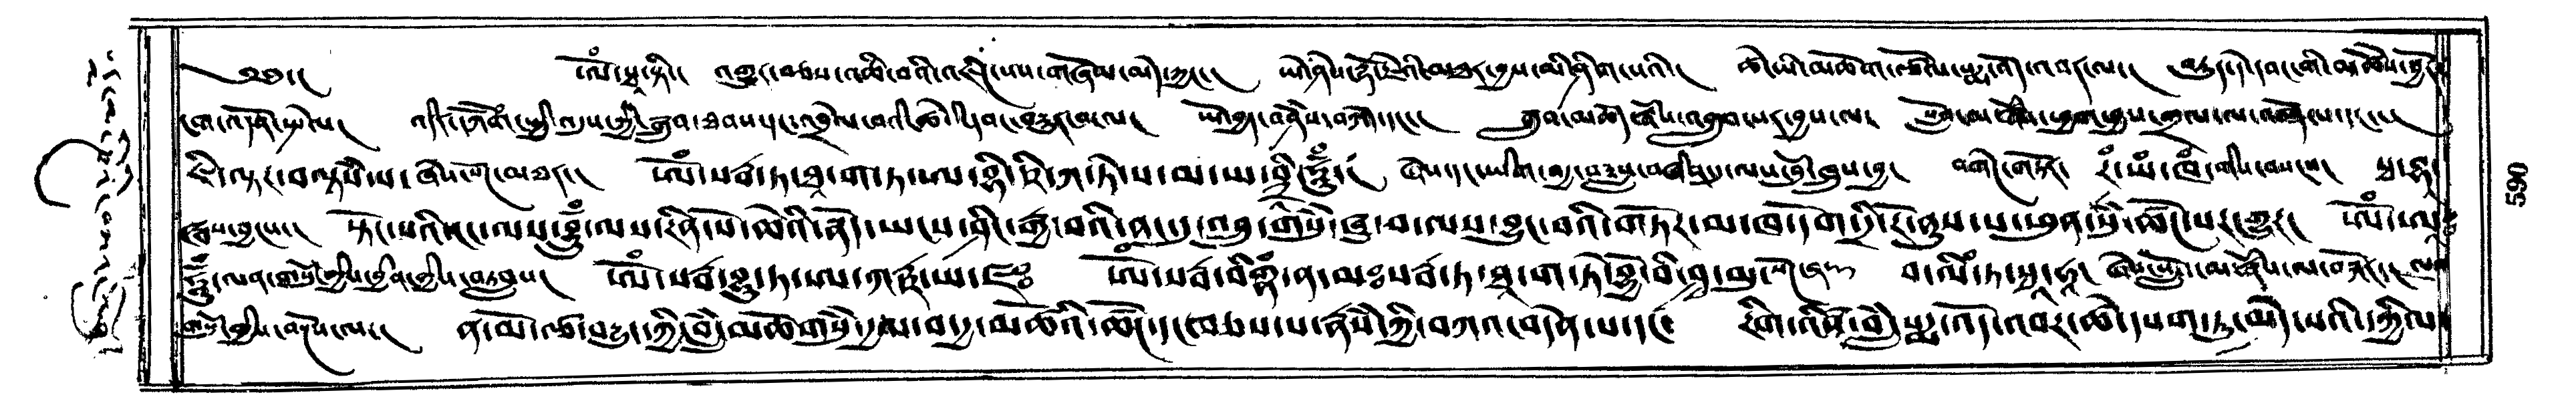ཨོཾ་སྭ་སྟི། འགྱུར་བཅས་འཆི་བའི་འཇིགས་པས་གཞོམ་མེད་ཀྱང་། །ཡེ་ཤེས་རྡོ་རྗེའི་མཐར་བྱས་མི་ཤིག་སཔའི། །ཚེ་ཡི་མཆོག་སྩོལ་པདྨ་འོད་འབར་ལ། བཏུད་དེ་དབང་གི་མཚམས་སྦྱོར་
ངག་འདོན་སྤེལ།། འདིར་དཀོན་མཆོག་སྤྱི་འདུས་ཀྱི་སྒྲུབ་ཐབས་དང་འབྲེལ་བའི་ཚོ་དབང་བསྐུར་བ་ལ། ཡོ་བྱད་བཤམས་བཀོད་དང་། སྒྲུབ་མཆོད་རྣམས་འགྲུབ་པར་བྱས་ལ། སློབ་མ་རྣམས་ཕྱག་བྱས་གྲལ་ལ་འཁོད་པ་དང་། 
ཇི་ལྟར་བལྟམས་པ་ཞེས་སོགས་མཐར། ཨོཾ་སརྦ་ཏ་ཐཱ་ག་ཏ་ཨ་བྷི་རི་ཀ་ཏེ་ས་མ་ཡ་ཤྲཱི་ཧཱུྃ། ཞེས་དང་ཡིག་བརྒྱ་བཟླ་བཞིན་དུ་ལས་བུམ་གྱིས་ཁྲུས་བྱ། བགེགས་གཏོར། རཾ་ཡཾ་ཁཾ་གིས་བསངས། སྭ་བྷཱ་
ཝ ས་བྱངས། སྟོང་པའི་ངང་ལས་བྷྲུྃ་ལས་རིན་པོ་ཆེའི་སྣོད་ཡངས་ཤིང་རྒྱ་བའི་ནང་དུ་འབྲུ་གསུམ་ཞུ་བ་ལས་བྱུང་བའི་གཏོར་མ་ཁ་དོག་དྲི་རོ་ནུས་པ་ཕུན་སུམ་ཚོགས་པར་གྱུར། ཨོཾ་ཨཱཿ
ཧཱུྃ་ལན་གསུམ་གྱིས་བྱིན་གྱིས་རློབས། ཨོཾ་སརྦ་བྷུཏ་ཨ་ཀརྵ་ཡ་ཛཿ ཨོཾ་སརྦ་བིགྣཾ་ན་མཿསརྦ་ཏ་ཐཱ་ག་ཏེ་བྷྱོ་བི་ཤྭ་མུ་སོགས་ནས། བ་ལིཾ་ཏ་སྭ་ཧཱ། ཞེས་སློབ་མ་རྣམས་ལ་བསྐོར། ལན་
གསུམ་གྱིས་བསྔོས་ལ། ན་མོ་རྩ་བརྒྱུད་ཀྱི་བླ་མ་མཆོག་གསུམ་རྒྱལ་བ་རྒྱ་མཚོའི་ཚོགས་དང་བཅས་པ་རྣམས་ཀྱི་བཀའ་བདེན་པ་དང་། རིག་འཛིན་བླ་མ་པདྨ་འོད་འབར་ཚེ་དཔག་ཏུ་མེད་པའི་དཀྱིལ་